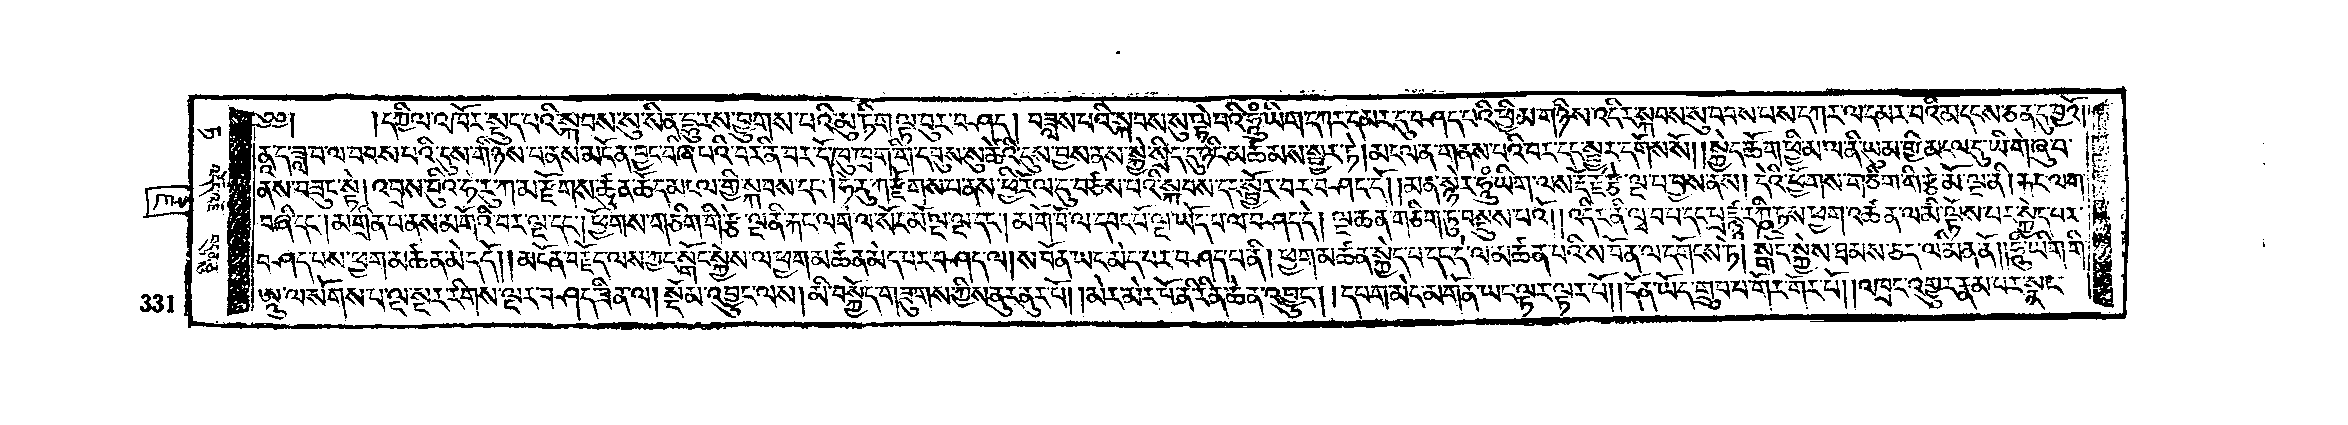༄༅། །དཀྱིལ་འཁོར་སྡུད་པའི་སྐབས་སུ་སིན་དྷུ་རས་བྱུགས་པའི་མུ་ཏིག་ལྟ་བུར་བཤད། བཟླས་པའི་སྐབས་སུ་ལྟེ་བའི་ཧཱུཾ་ཡིག་དཀར་དམར་དུ་བཤད་པའི་ཕྱི་མ་གཉིས་འདིར་སྐབས་སུ་བབས་པས་དཀར་ལ་དམར་བའི་མདངས་ཅན་དུ་བྱའོ། །
ནཱ་ད་ཟླ་བ་ལ་བབས་པའི་དུས་གཉིས་པ་ནས་མངོན་བྱང་བཞི་པའི་བར་ནི་བར་དོ་ཁུ་ཁྲག་གི་དབུས་སུ་ཚེའི་དུས་བྱས་ནས་སྐྱེ་སྲིད་དུ་ཉིང་མཚམས་སྦྱར་ཏེ། མངལ་ན་གནས་པའི་བར་དང་སྦྱར་དགོས་སོ། །སྐྱེད་ཆོག་ཕྱི་མ་ལ་ནི་ཡུམ་གྱི་མངལ་དུ་ཡི་གེ་ཞུ་བ་
ནས་བཟུང་སྟེ། འབྲས་བུའི་ཧེ་རུ་ཀ་མ་རྫོགས་ཚུན་ཆོད་མངལ་གྱི་སྐབས་དང་། ཧེ་རུ་ཀ་རྫོགས་པ་ནས་ཕྱི་རོལ་དུ་བཙས་པའི་སྐབས་དང་སྦྱོར་བར་བཤད་དོ། །མན་སྙེར་ཧཱུཾ་ཡིག་ལས་རྡོ་རྗེ་རྩེ་ལྔ་པ་བྱས་ནས། དེའི་ཕྱོགས་གཅིག་གི་རྩེ་མོ་ལྔ་ནི། རྐང་ལག་
བཞི་དང་། མགྲིན་པ་ནས་མགོའི་བར་ལྔ་དང་། ཕྱོགས་གཅིག་གི་རྩེ་ལྔ་ནི་རྐང་ལག་ལ་སོར་མོ་ལྔ་ལྔ་དང་། མགོ་བོ་ལ་དབང་པོ་ལྔ་ཡོད་པ་ལ་བཤད་དེ། ལྔ་ཚན་གཅིག་ཏུ་བསྡུས་པའོ། །འདིར་ནི་ལྭ་བ་པ་དང་པྲཛྙཱ་རཀྵི་ཏྲས་ཕྱག་འཚན་ལ་མི་ལྟོས་པར་སྐྱེད་པར་
བཤད་པས་ཕྱག་མཚན་མེད་དོ། །མངོན་བརྗོད་ལས་ཀྱང་སྒོང་སྐྱེས་ལ་ཕྱག་མཚན་མེད་པར་བཤད་ལ། ས་བོན་ཡང་མེད་པར་བཤད་པ་ནི། ཕྱག་མཚན་སྐྱེད་པ་དང་དེ་ལ་མཚན་པའི་ས་བོན་ལ་དགོངས་ཏེ། སྒོང་སྐྱེས་ཐམས་ཅད་ལ་མིན་ནོ། །ཧཱུཾ་ཡིག་གི་
ཨཱུ་ལ་སོགས་པ་ལྔ་སྔར་རིགས་ལྔར་བཤད་ཟིན་ལ། སྡོམ་འབྱུང་ལས། མི་བསྐྱོད་གཟུགས་ཀྱིས་ནུར་ནུར་པོ། །མེར་མེར་པོ་ནི་རིན་ཆེན་འབྱུང་། །དཔག་མེད་མགོན་ཡང་ལྟར་ལྟར་པོ། །དོན་ཡོད་གྲུབ་པ་གོར་གོར་པོ། །འཁྲང་འགྱུར་རྣམ་པར་སྣང་